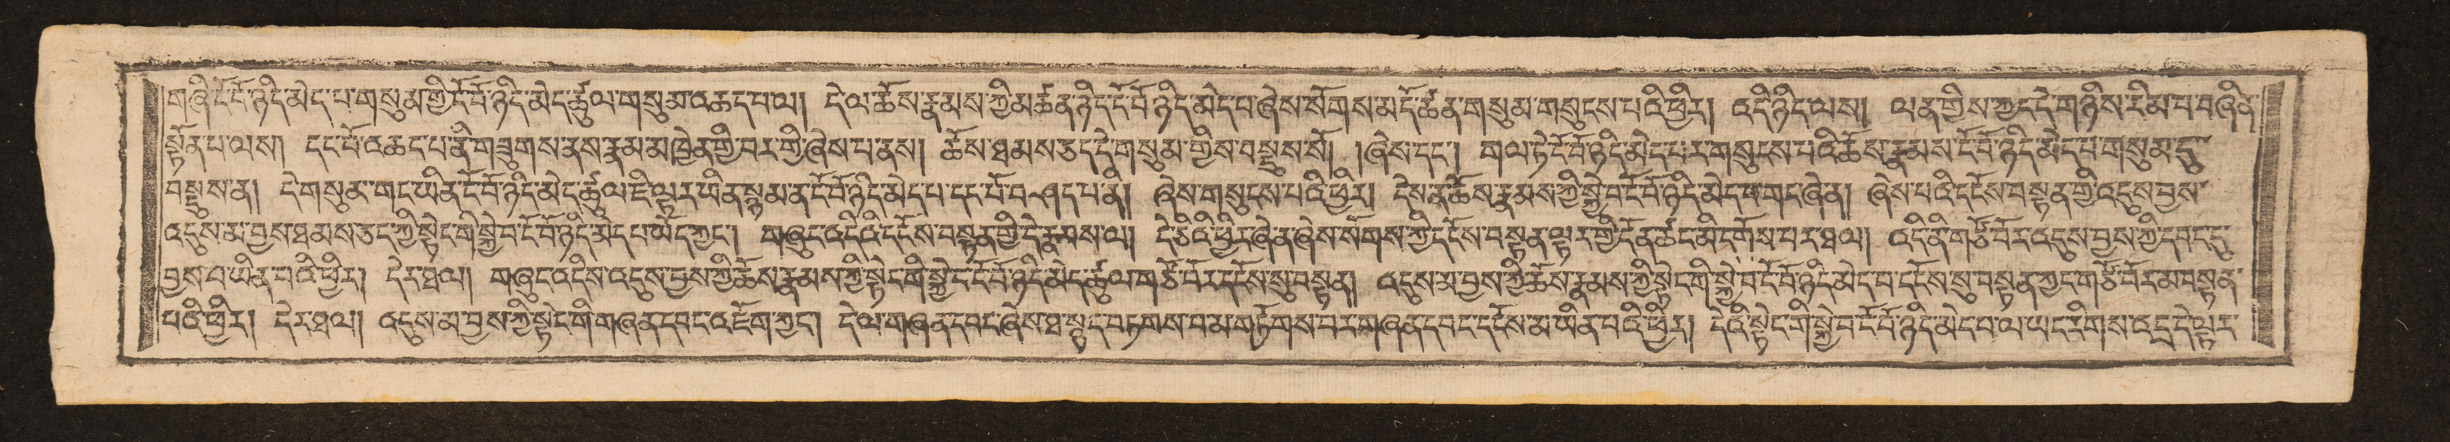གཞི་ངོ་བོ་ཉིད་མེད་པ་གསུམ་གྱི་ངོ་བོ་ཉིད་མེད་ཚུལ་གསུམ་འཆད་པ་ལ། དེ་ལ་ཆོས་རྣམས་ཀྱི་མཚན་ཉིད་ངོ་བོ་ཉིད་མེད་པ་ཞེས་སོགས་མདོ་ཚན་གསུམ་གསུངས་པའི་ཕྱིར། འདི་ཉིད་ལས། ལན་གྱིས་ཀྱང་དེ་གཉིས་རིམ་པ་བཞིན་
སྟོན་པ་ལས། དང་པོ་འཆད་པ་ནི་གཟུགས་ནས་རྣམ་མཁྱེན་གྱི་བར་གྱི་ཞེས་པ་ནས། ཆོས་ཐམས་ཅད་དེ་གསུམ་གྱིས་བསྡུས་སོ། །ཞེས་དང་། གལ་ཏེ་ངོ་བོ་ཉིད་མེད་པར་གསུངས་པའི་ཆོས་རྣམས་ངོ་བོ་ཉིད་མེད་པ་གསུམ་དུ་
བསྡུས་ན། དེ་གསུམ་གང་ཡིན་ངོ་བོ་ཉིད་མེད་ཚུལ་ཇི་ལྟར་ཡིན་སྙམ་ན་ངོ་བོ་ཉིད་མེད་པ་དང་པོ་བཤད་པ་ནི། ཞེས་གསུངས་པའི་ཕྱིར། དེས་ན་ཆོས་རྣམས་ཀྱི་སྐྱེ་བོང་བོ་ཉིད་མེད་པ་གང་ཞེ་ན། ཞེས་པའི་དངོས་བསྟན་གྱི་འདུས་བྱས་
འདུས་མ་བྱས་ཐམས་ཅད་ཀྱི་སྟེང་གི་སྐྱེ་བ་ངོ་བོ་ཉིད་མེད་པ་ཡོད་ཀྱང་། གཞུང་འདིའི་དངོས་བསྟན་གྱི་དེ་རྣམས་ལ། དེ་ཅིའི་ཕྱིར་ཞེན་ཞེས་སོགས་ཀྱི་དངོས་བསྟན་ལྟར་གྱི་དོན་ཚང་མི་དགོས་པར་ཐལ། འདི་ནི་གཙོ་བོར་འདུས་བྱས་ཀྱི་དབང་དུ་
བྱས་པ་ཡིན་པའི་ཕྱིར། དེར་ཐལ། གཞུང་འདིས་འདུས་བྱས་ཀྱི་ཆོས་རྣམས་ཀྱི་སྟེང་གི་སྐྱེ་བ་ངོ་བོ་ཉིད་མེད་ཚུལ་གཙོ་བོར་དངོས་སུ་བསྟན། འདུས་མ་བྱས་ཀྱི་ཆོས་རྣམས་ཀྱི་སྟེང་གི་སྐྱེ་བ་ངོ་བོ་ཉིད་མེད་པ་དངོས་སུ་བསྟན་ཀྱང་གཙོ་བོར་མ་བསྟན་
པའི་ཕྱིར། དེར་ཐལ། འདུས་མ་བྱས་ཀྱི་སྟེང་གི་གཞན་དབང་འཇོག་ཀྱང་། དེ་ལ་གཞན་དབང་ཞེས་ཐ་སྙད་བཏགས་པ་མ་གཏོགས་པར་གཞན་དབང་དངོས་མ་ཡིན་པའི་ཕྱིར། དེའི་སྟེང་གི་སྐྱེ་བ་ངོ་བོ་ཉིད་མེད་བ་ལ་ཡང་རིགས་འདྲ་དེ་ལྟར་